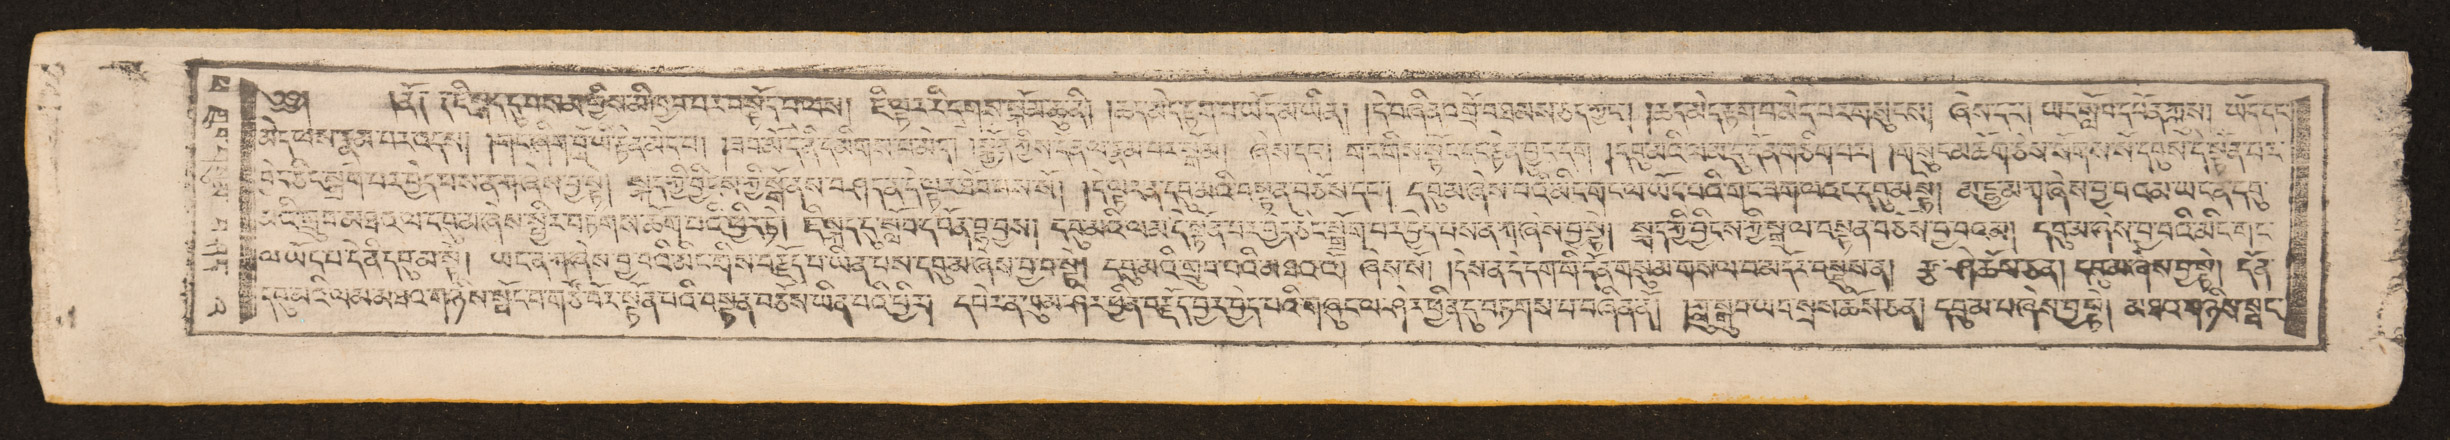༄༅། །ནོ༑ ༑ཇི་སྐད་དུ་བསམ་གྱིས་མི་ཁྱབ་པར་བསྟོད་པ་ལས། །ཇི་ལྟར་རི་དགས་སྐོམ་ཆུ་ནི། །ཆད་མེད་རྟག་པ་ཡོད་མ་ཡིན། །དེ་བཞིན་འགྲོ་བ་ཐམས་ཅད་ཀྱང་། །ཆད་མེད་རྟག་པ་མེད་པར་གསུངས། ཞེས་དང་། ཡང་སློབ་དཔོན་ཀླུས། ཡོད་དང་
མེད་ལས་རྣམ་པར་འདས་གང་ཞིག་བློ་ཡི་རྟེན་མེད་པ། །ཟབ་མོ་དེ་ནི་དམིགས་བ་མེད། །སྐྱོན་ཀྱིས་དོན་ལ་རྣམ་པར་སྐོམ། ཞེས་དང་། གང་གིས་སྟོང་དང་རྟེན་བྱུང་དག །དབུ་མའི་ལམ་དུ་དོན་གཅིག་པར། །གསུང་མཆོག་ཅེས་སོགས་སོ་དབུས་དེ་སྟོན་པར་
བྱེད་ཅིང་སྒྲག་པར་བྱེད་པས་ནག་ཞེས་བྱ་སྟེ། སྐད་ཀྱི་བྱིངས་ཀྱི་སྒོ་ནས་བཤད་ན་དེ་ལྟར་ཐོབ་པས་སོ། །དེ་ལྟར་ན་དབུ་མའི་བསྟན་བཅོས་དང་། དབུ་མ་ཞེས་པའི་མིང་གང་ལ་ཡོད་པའི་གང་ཟག་ལའང་དབུ་མ་སྟེ། མདྷྱ་མ་ཀ་ཞེས་བྱ་བའམ་ཡང་ན་དབུ་
མའི་གྲུབ་མཐའ་ལ་དབུ་མ་ཞེས་སྦྱིར་བཏགས་ཆོག་པའི་ཕྱིར་ཏེ། ཇི་སྐད་དུ་སློབ་དཔོན་བྷ་བྱས། དབུ་མའི་ལམ་དེ་སྟོན་པར་བྱེད་ཅིང་སྒྲོག་པར་བྱེད་བས་ནག་ཞེས་བྱ་སྟེ། སྐད་ཀྱི་བྱིངས་ཀྱི་སྒྲལ་བསྟན་བཙས་བྱ་བའམ། དབུ་མ་ཞེས་བྱ་བའི་མིང་གང་
ལ་ཡོད་པ་དེ་ནི་དབུ་མ་སྟེ། ཡང་ན་ཀ་ཞེས་བྱ་བའི་མང་གིས་བརྗོད་པ་ཡིན་པས་དབུ་མ་ཞེས་བྱ་བ་སྟེ། དབུ་མའི་གྲུབ་པའི་མཐའ་འོ། ཞེས་སོ། །དེས་ན་དེ་དག་གི་དོན་གསུམ་གསལ་བ་མདོར་བསྡུས་ན། རྩ་ཤེ་ཆོས་ཅན། དབུ་མ་ཞེས་བྱ་སྟེ། དོན་
དབུ་མའི་ལམ་མཐའ་གཉིས་སྤོང་བ་གཙོ་བོར་སྟོན་པའི་བསྟན་བཅོས་ཡིན་པའི་ཕྱིར། དཔེར་ན་སུམ་ཤེར་ཕྱིན་བརྗོད་བྱར་བྱེད་པའི་ག་ཤུང་ལ་ཤེར་ཕྱིན་དུ་བཏགས་པ་བཞིན་ནོ། །སླུ་སྒྲུབ་ཡབ་སྲས་ཆོས་ཅན། དབུ་མ་བ་ཞེས་བྱ་སྟེ། མཐའ་གཉིས་སྤང་